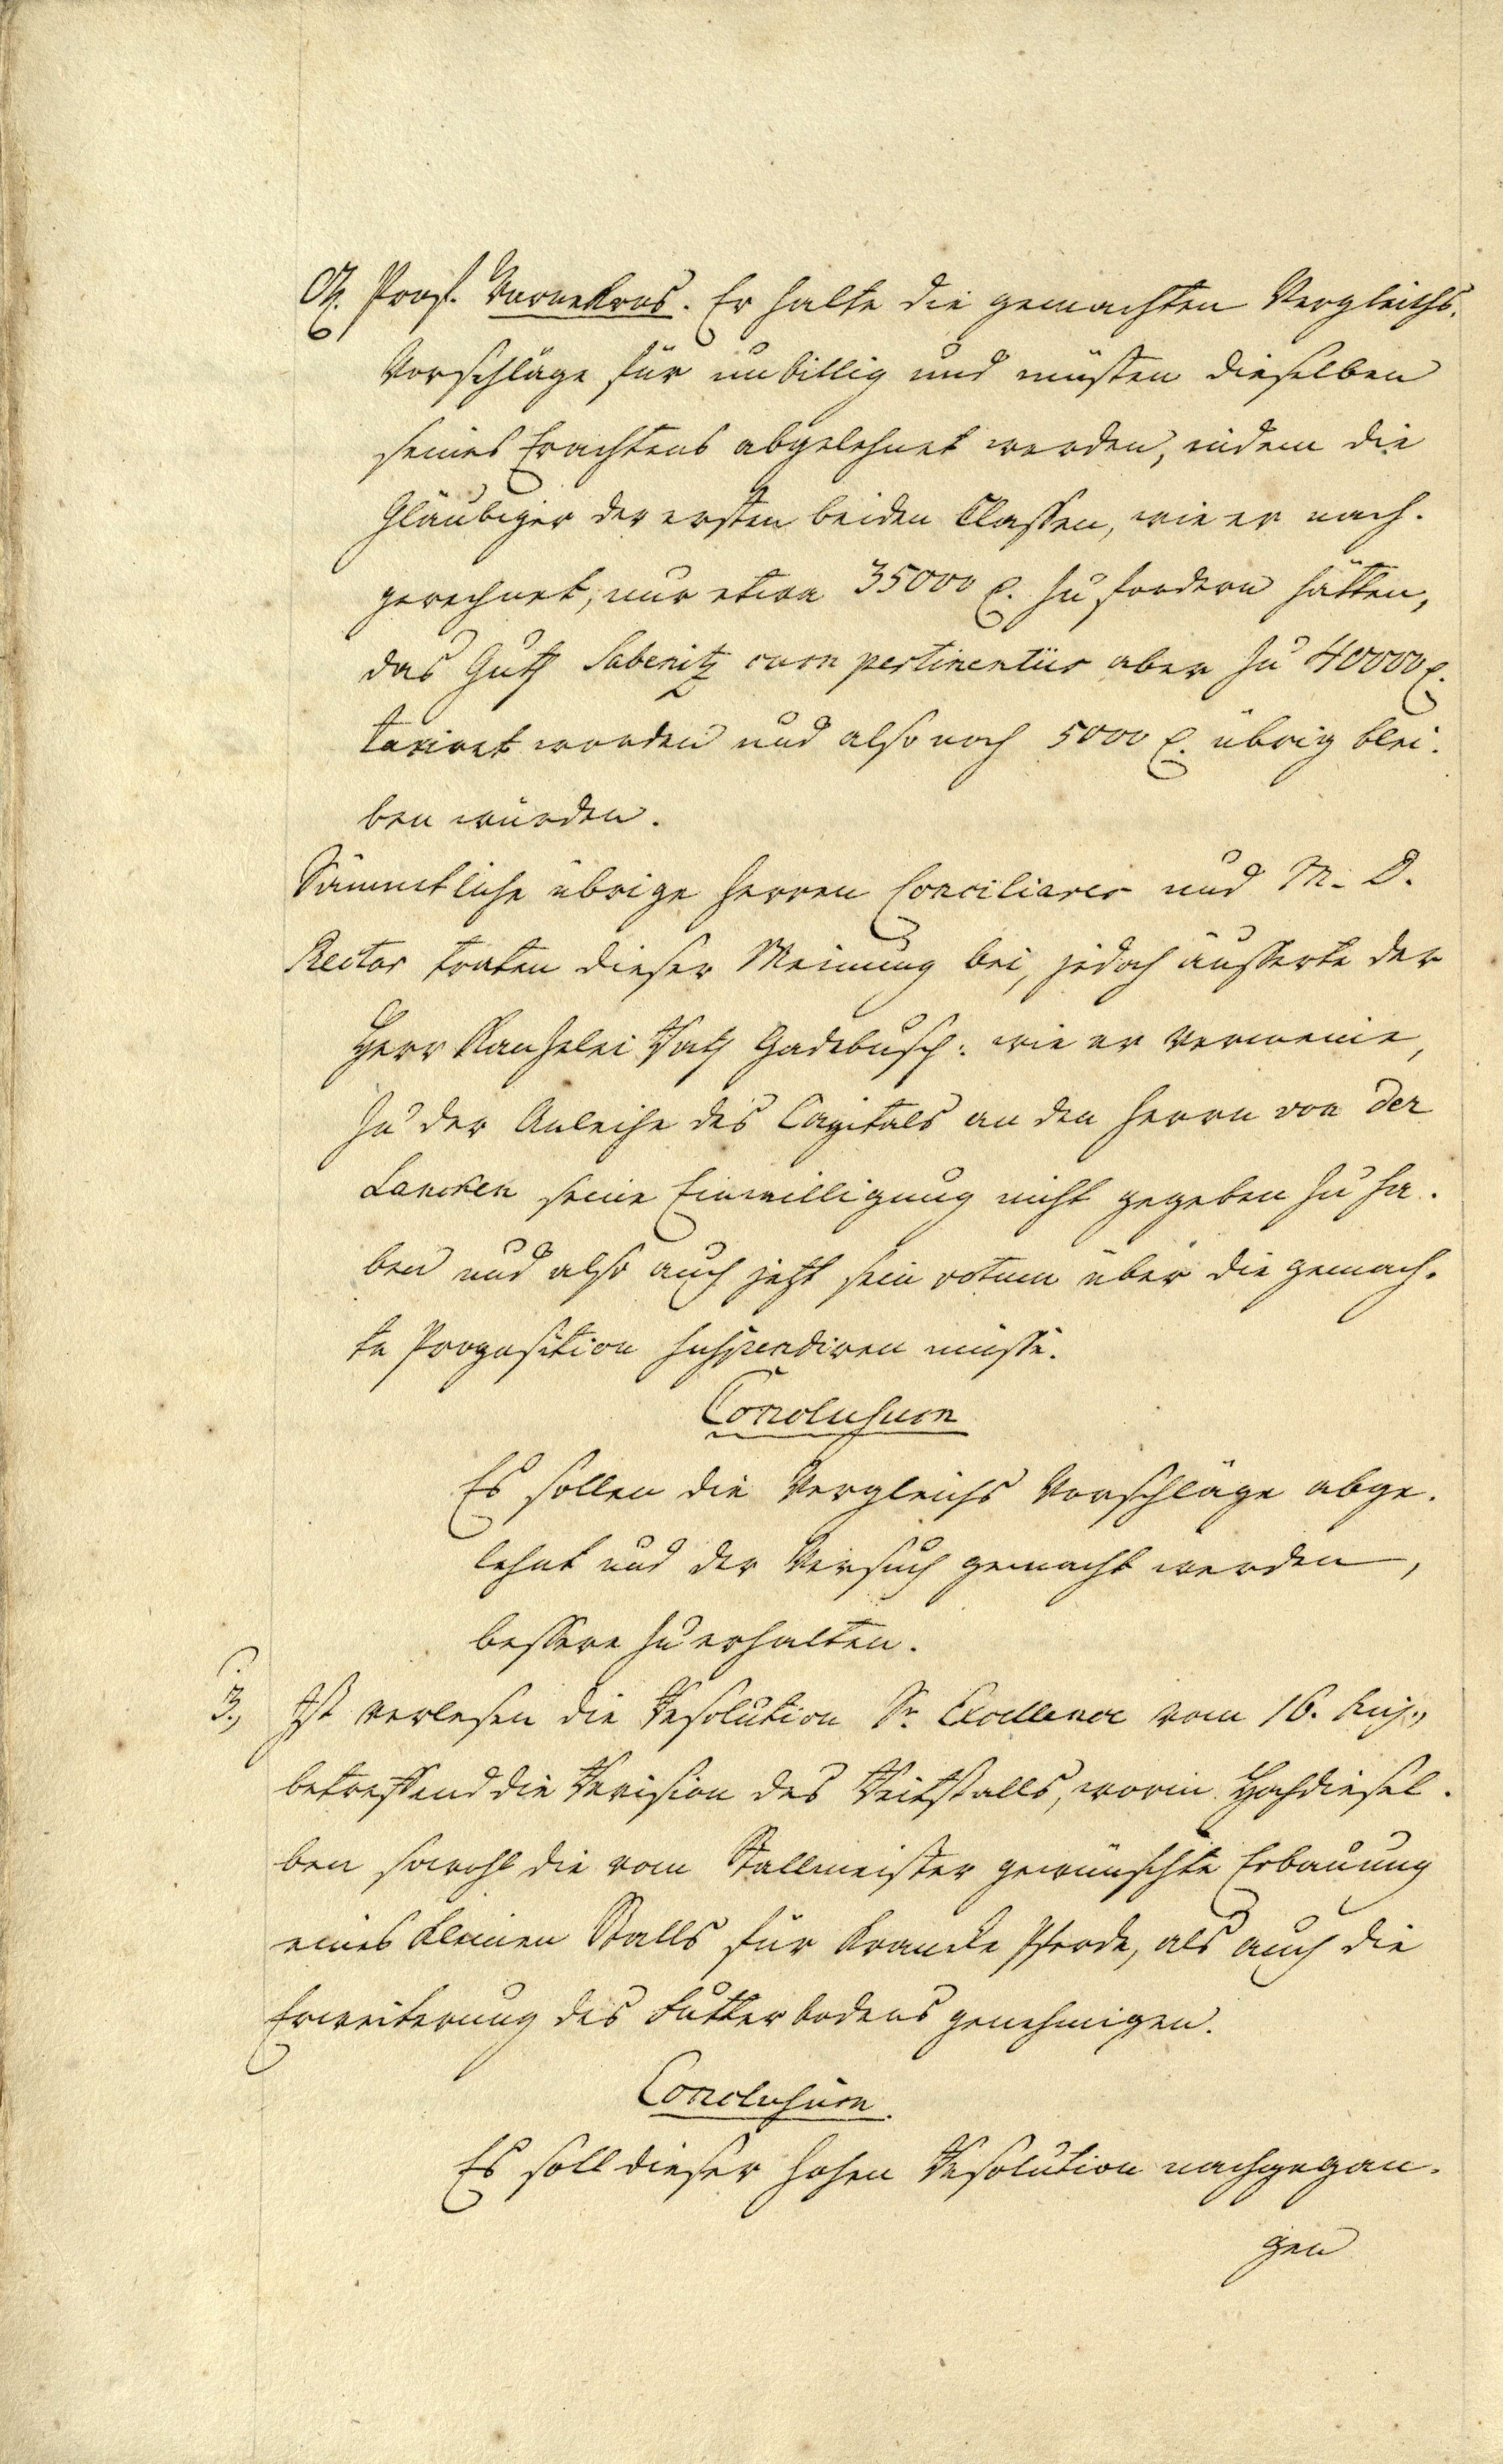dh. Prof. Warnekros. Er halte die gemachten Vergleichs¬
Vorschläge für unbillig und müsten dieselben
seines Erachtens abgelehnet werden, indem die
Gläubiger der ersten beiden Classen, wie er nach¬
gerechnet, nur etwa 35000 l. zu fordern hätten,
das Guth Sabenitz cum pertinentiis aber zu 40000 l.
taxiret worden und also noch 5000 l. übrig blei¬
ben würden.
Sämmtliche übrige Conciliares und M. D.
Rector traten dieser Meinung bei, jedoch äusserte der
Herr Kanzelei Rath Gadebusch: wie er vermeine
zu der Anleihe des Capitals an den herrn von der
Lancken seine Einwilligung nicht gegeben zu ha¬
ben und also auch jetzt sein votum über die gemach¬
te Proposition suspendiren müsse.
Conclusum
Es sollen die Vergleichs Vorschläge abge¬
lehnt und der Versuch gemacht werden,
bessere zu erhalten.
3. Ist verlesen die Resolution Sr. Excellence vom 16. huj.
betreffend die Revision des Reitstalls, worin Hochdiesel¬
ben sowohl die vom Stallmeister gewünschte Erbauung
eines kleinen Stalls für kranke Pferde, als auch die
Erweiterung des Futterbodens genehmigen.
Conclusum
Es soll dieser hohen Resolution nachgegan¬
gen